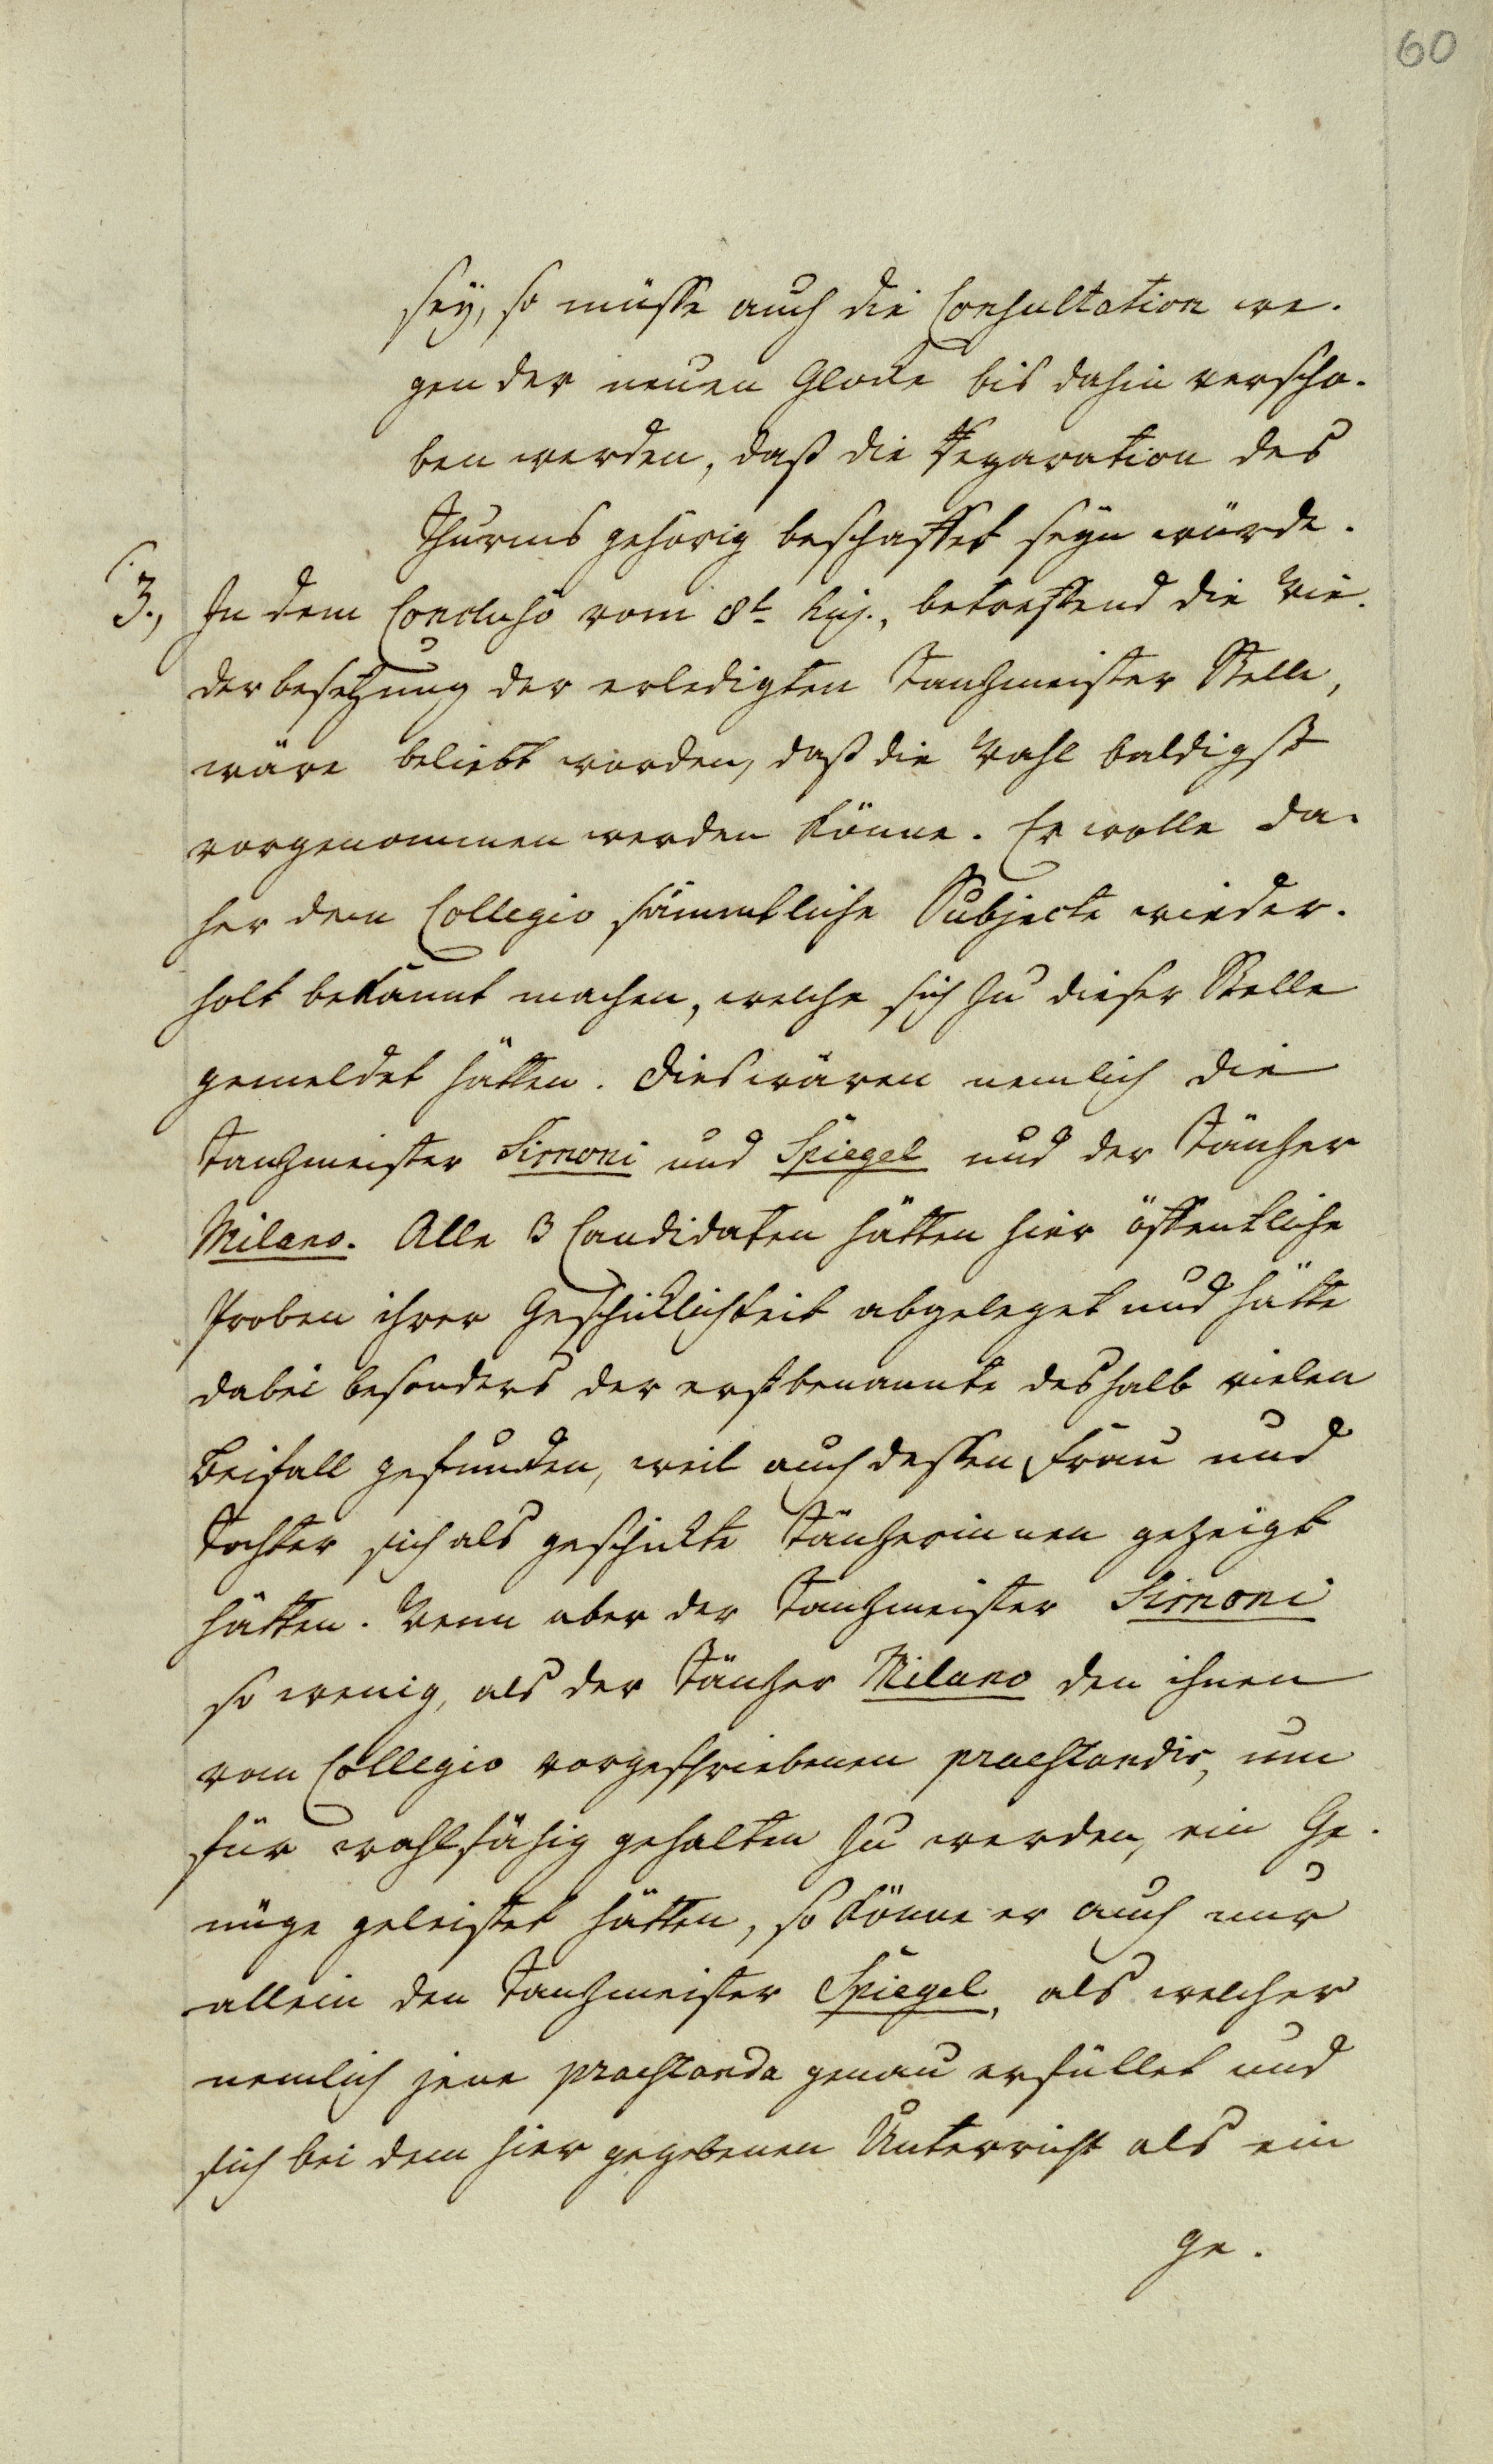seÿ, so müsse auch die Consultation we¬
gen der neuen Glocke bis dahin verscho¬
ben werden, daß die Reparation des
Thurms gehörig beschaffet seÿn würde.
3., In dem Concluso vom 8 ten huj. betreffend die Wie¬
derbesetzung der erledigten Tanzmeister Stelle,
wäre beliebt worden, daß die Wahl baldigst
vorgenommen werden könne. Er wolle da¬
her dem Collegio sämmtliche Subjecte wieder¬
holt bekannt machen, welche sich zu dieser Stelle
gemeldet hätten. Dies wären nemlich die
Tanzmeister Simoni und Spiegel und der Tänzer
Milano. Alle 3 Candidaten hätten hier öffentliche
Proben ihrer Geschicklichkeit abgeleget und hätte
dabei besonders der erstbenannte deshalb vielen
Beifall gefunden, weil auch dessen Frau und
Tochter sich als geschickte Tänzerinnen gezeigt
hätten. Wenn aber der Tanzmeister Simoni
so wenig, als der Tänzer Milano den ihnen
vom Collegio vorgeschriebenen praestandis, um
für wahlfähig gehalten zu werden, ein Ge¬
nüge geleistet hätten, so könne er auch nur
allein den Tanzmeister Spiegel, als welcher
nemlich jene praestanda genau erfüllet und
sich bei dem hier gegebenen Unterricht als ein
ge¬